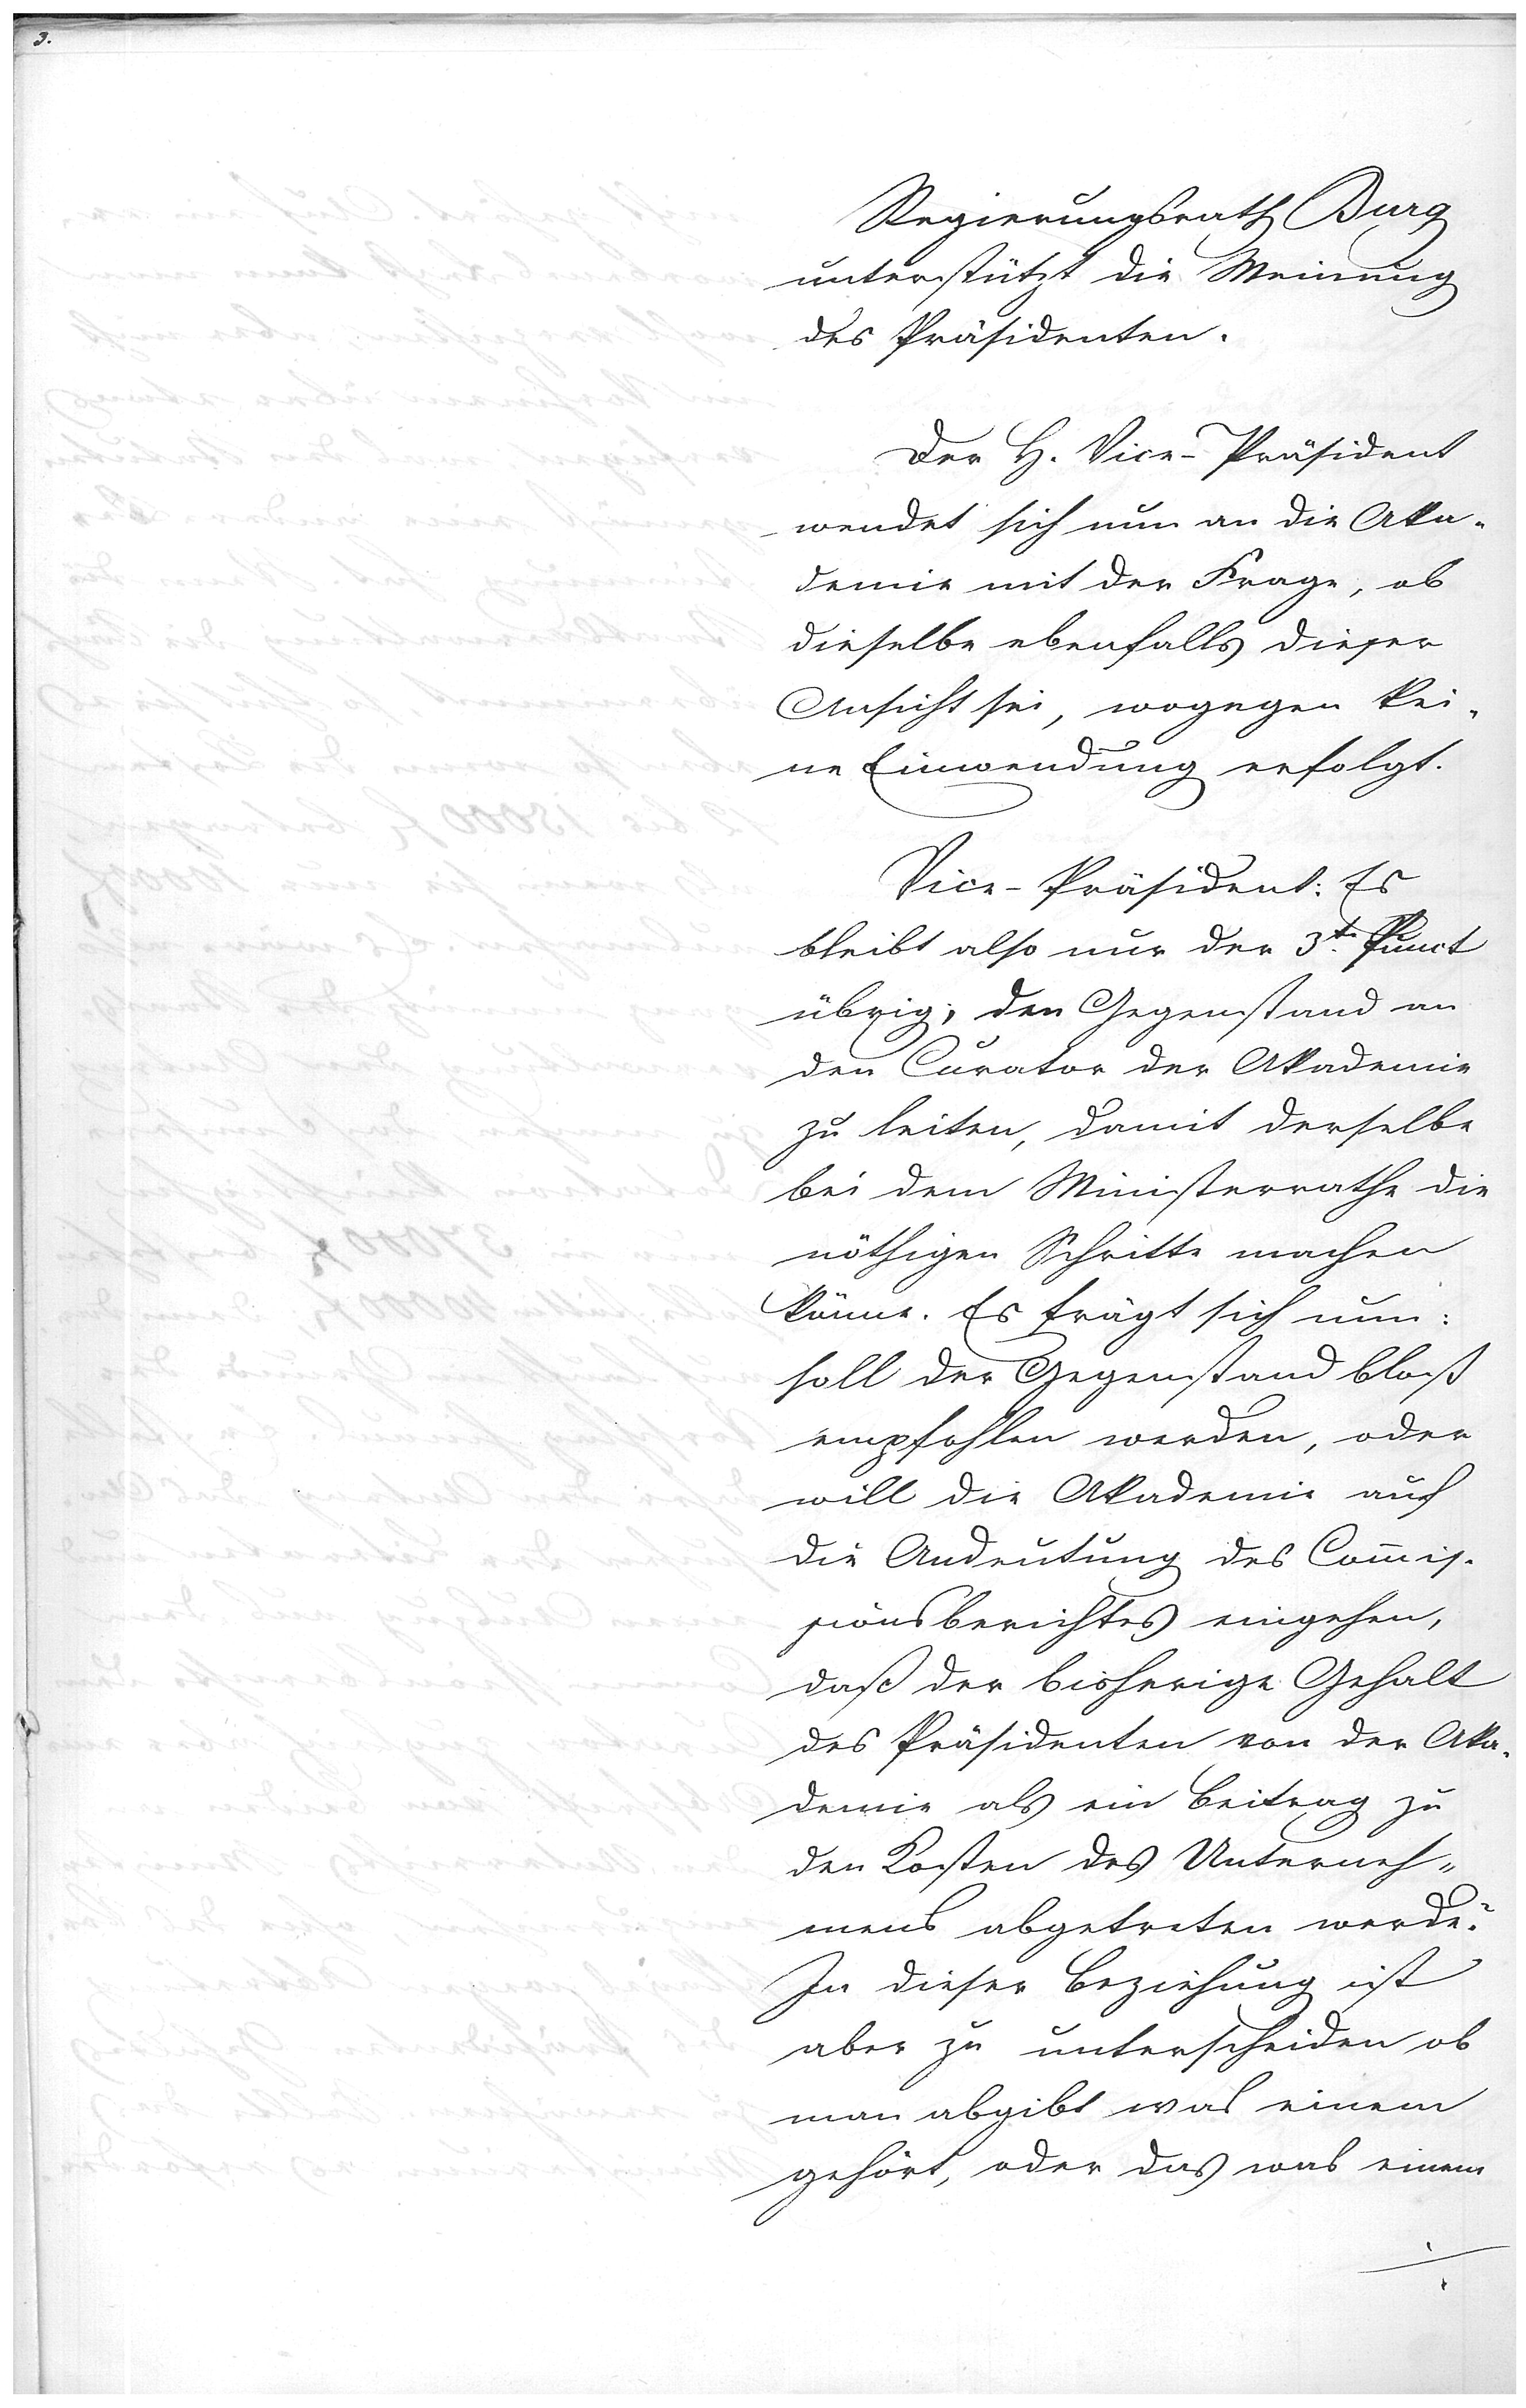Regierungsrath Burg
unterstützt die Meinung
des Präsidenten.
Der H. Vice-Präsident
wendet sich nun an die Aka-
demie mit der Frage, ob
dieselbe ebenfalls dieser
Ansicht sei, wogegen kei-
ne Einwendung erfolgt.
Vice-Präsident: Es
bleibt also nur der 3te Punct
übrig den Gegenstand an
den Curator der Akademie
zu leiten, damit derselbe
bei dem Ministerrathe die
nöthigen Schritte machen
könne. Es frägt sich nun:
soll der Gegenstand bloß
empfohlen werden, oder
will die Akademie auf
die Andeutung des Commis-
sionsberichtes eingehen,
daß der bisherige Gehalt
des Präsidenten von der Aka-
demie als ein Beitrag zu
den Kosten des Unterneh-
mens abgetreten werde?
In dieser Beziehung ist
aber zu unterschieden ob
man abgibt was einem
gehört, oder das was einem